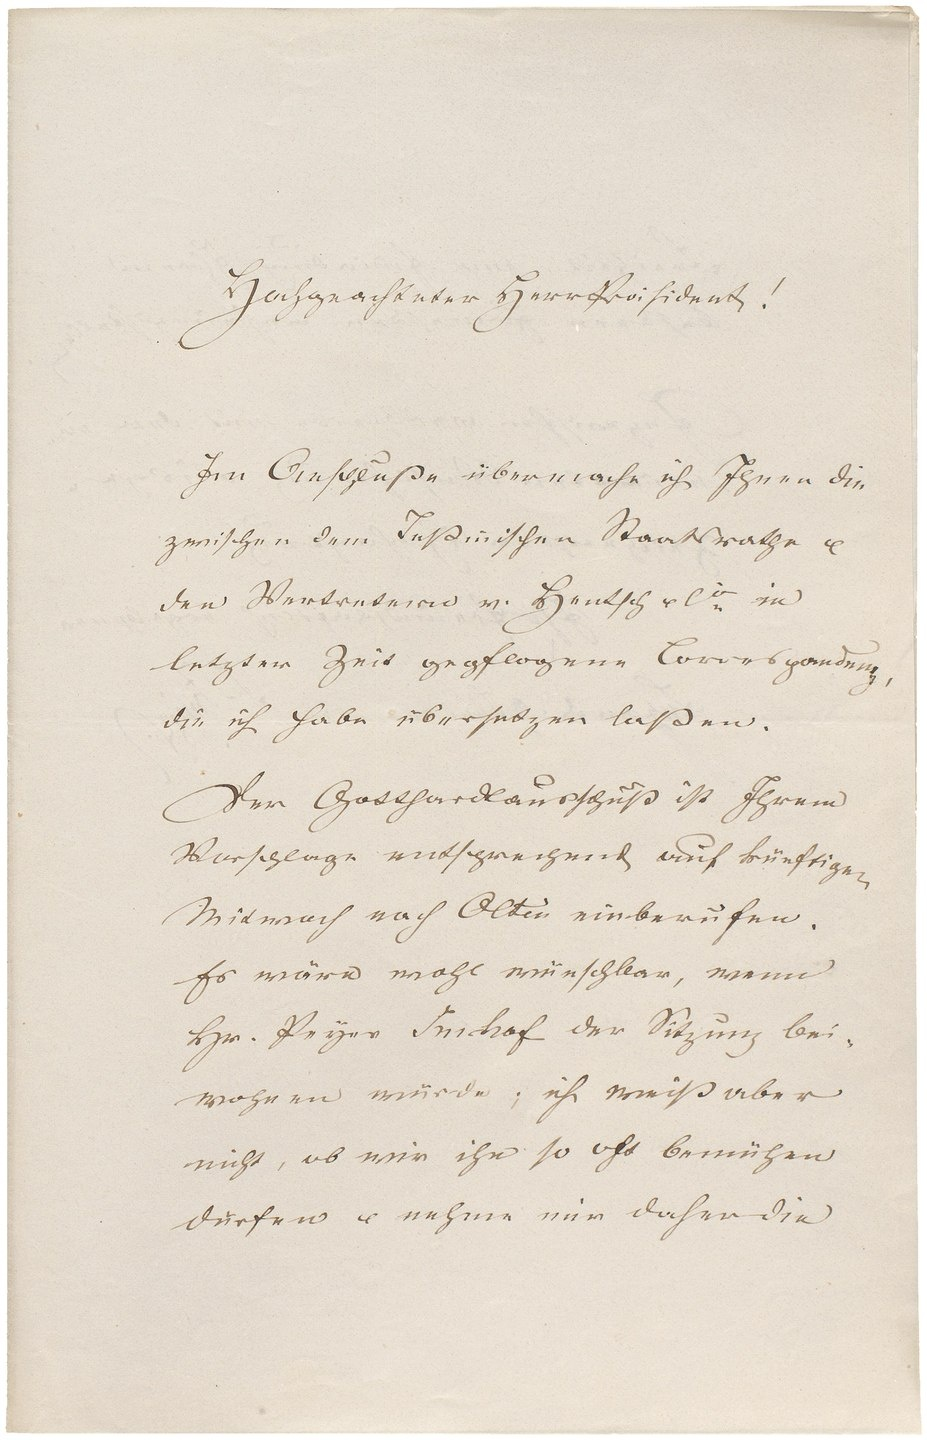Hochgeachteter Herr Präsident!
Im Anschluße übermache ich Ihnen die
zwischen dem Teßinischen Staatsrathe &
den Vertretern v. Hentsch & Co in
letzter Zeit gepflogene Correspondenz,
die ich habe übersetzen laßen.
Den Gotthardtausschuß ist Ihrem
Vorschlage entsprechend auf künftigen
Mitwoch nach Olten einberufen.
Es wäre wohl wünschbar, wenn
Hr. Peyer Imhof der Sitzung bei-
wohnen würde; ich weiß aber
nicht, ob wir ihn so oft bemühen
dürfen & nehme mir daher die